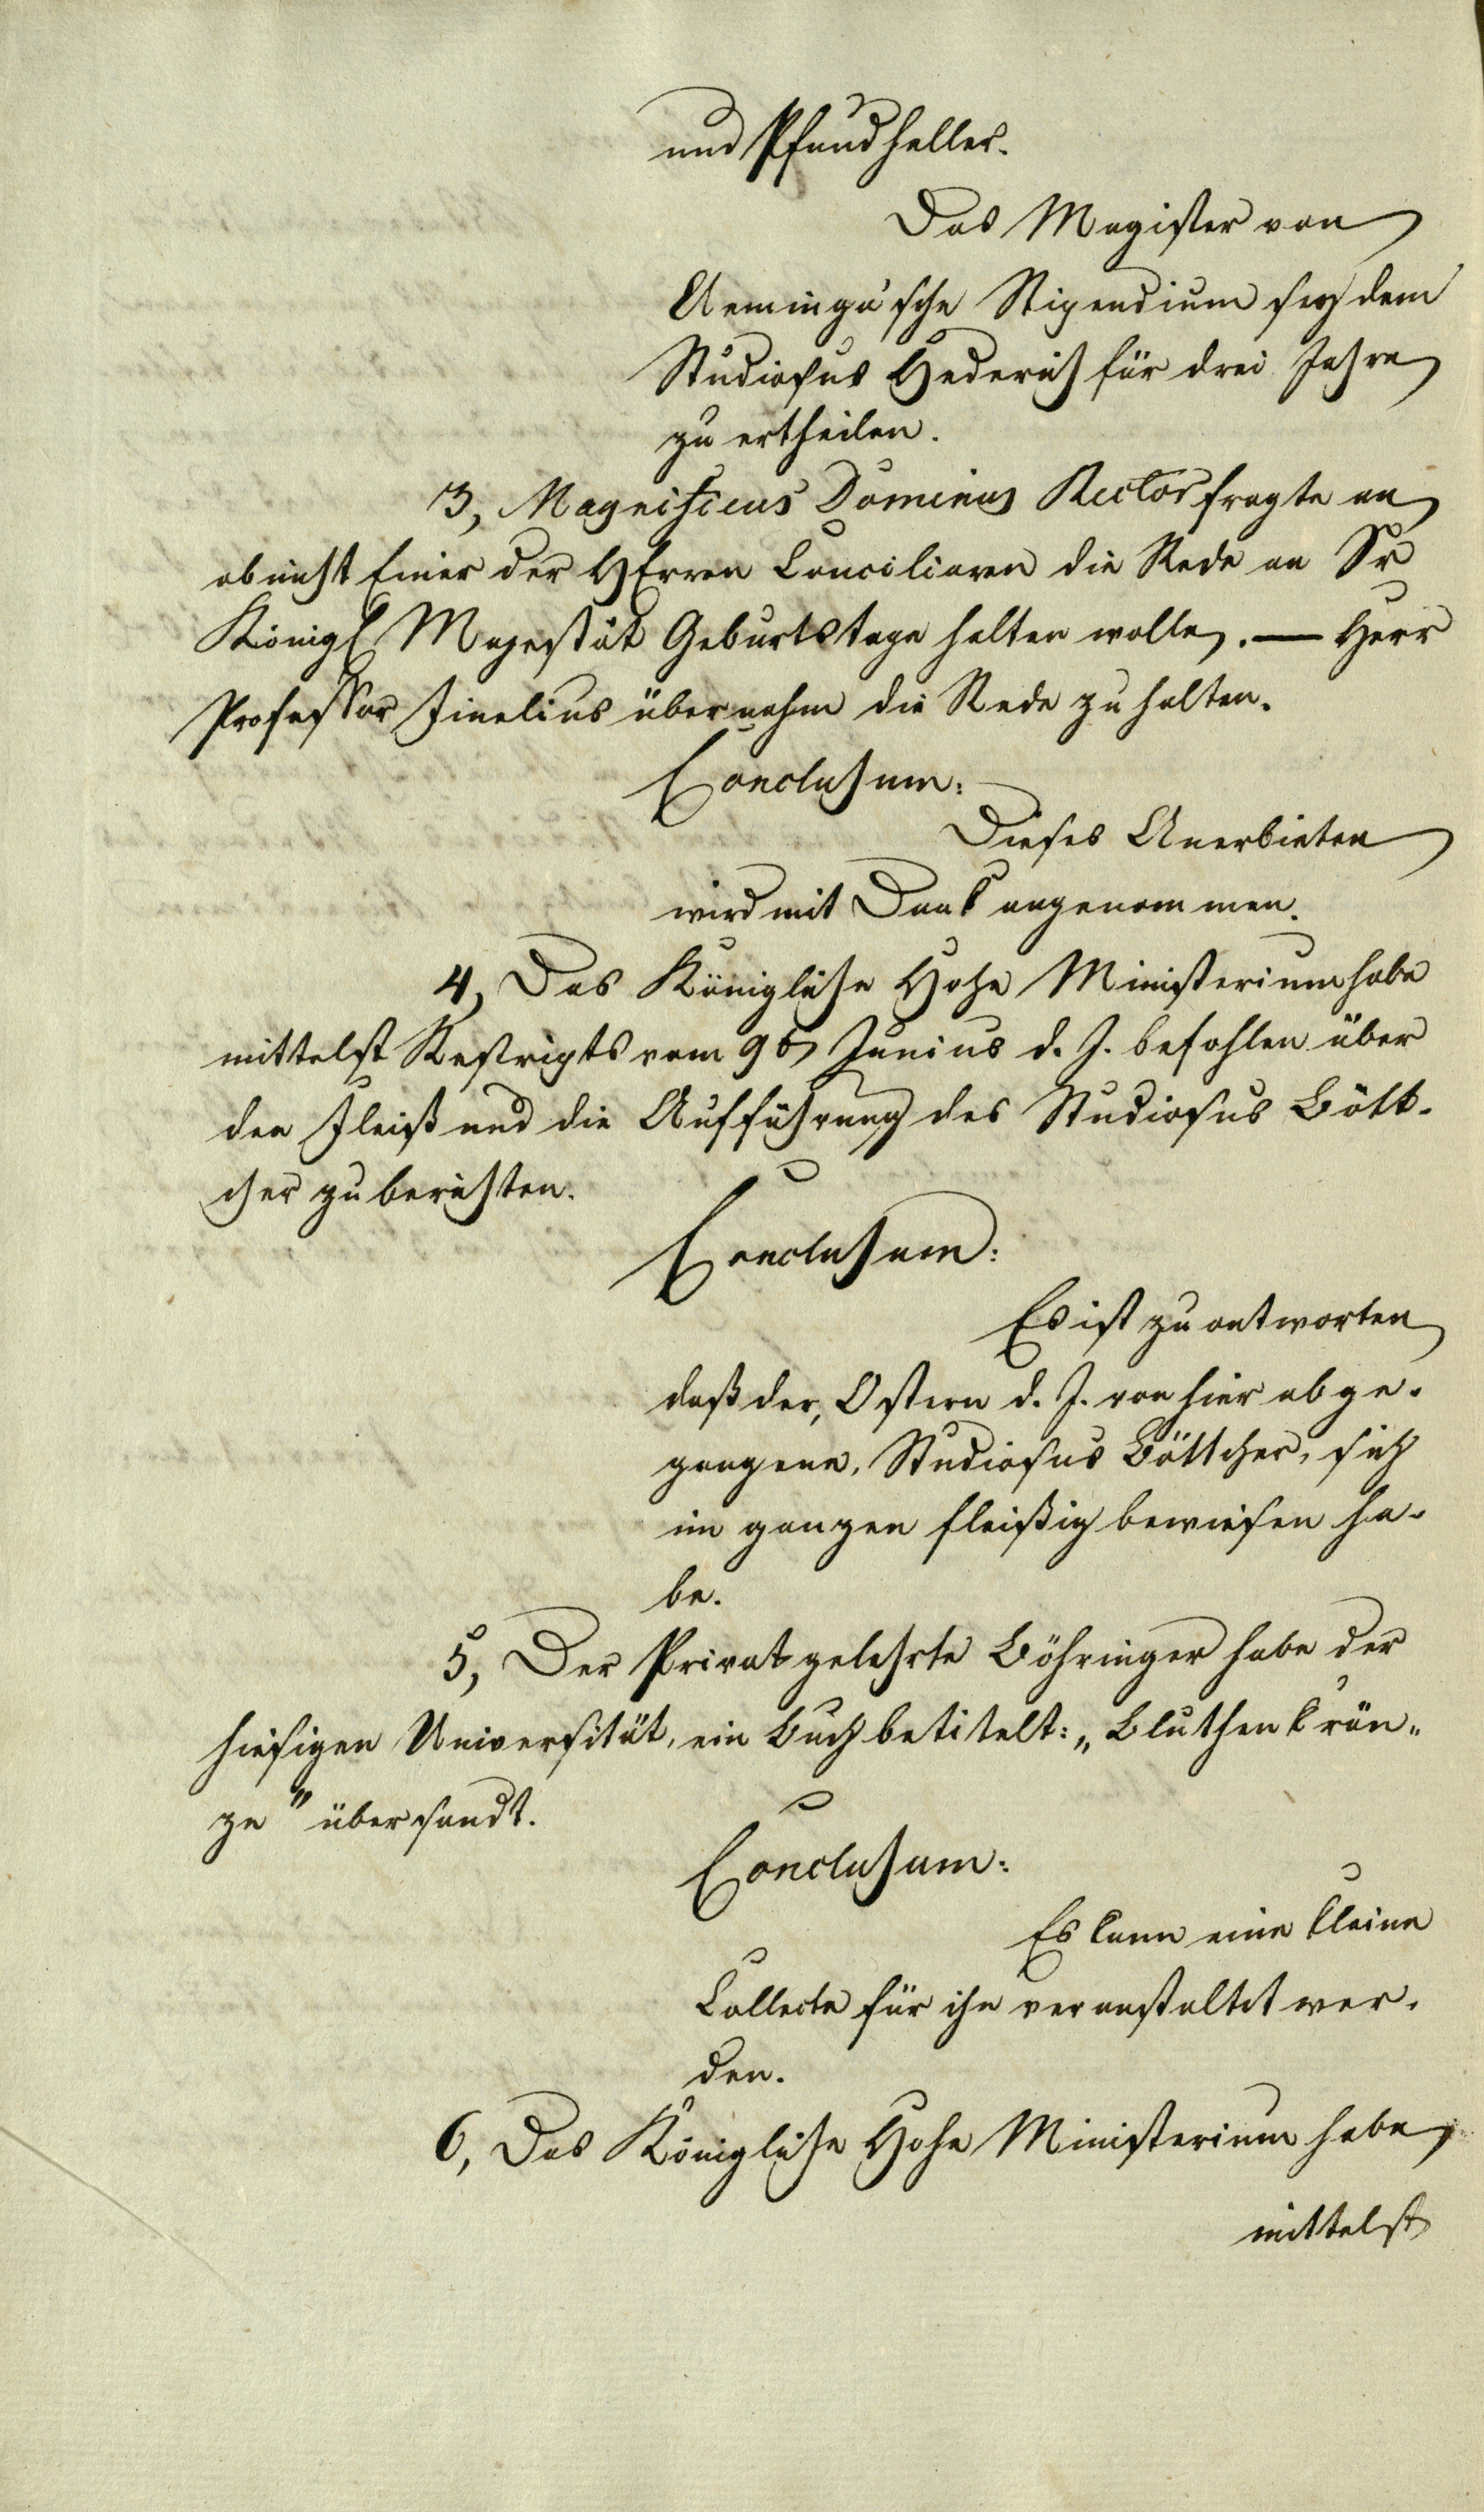und Pfundheller.
Das Magister von
Aeminga'sche Stipendium sey dem
Studiosus Hederich für drei Jahre
zu ertheilen.
3, Magnificus Dominus Rector fragte an
ob nicht Einer der HErren Conciliaren die Rede an Sr
Königl Majestät Geburtstage halten wolle. ----- Herr
Professor Finelius übernahm die Rede zu halten.
Conclusum:
Dieses Anerbieten
wird mit Dank angenommen.
4, Das Königliche Hohe Ministerium habe
mittelst Rescripts vom 9ten Junius d. J. befohlen über
den Fleiß und die Aufführung des Studiosus Bött¬
cher zu berichten.
Conclusum:
Es ist zu antworten
daß der, Ostern d. J. von hier abge¬
gangene, Studiosus Böttcher, sich
im ganzen fleißig bewiesen ha¬
be.
5, Der Privatgelehrte Böhringer habe der
hiesigen Universität, ein Buch betitelt: "Blüthenkrän¬
ze" übersandt.
Conclusum:
Es kann eine kleine
Collecte für ihn veranstaltet wer¬
den.
6, Das Königliche Hohe Ministerium habe
mittelst